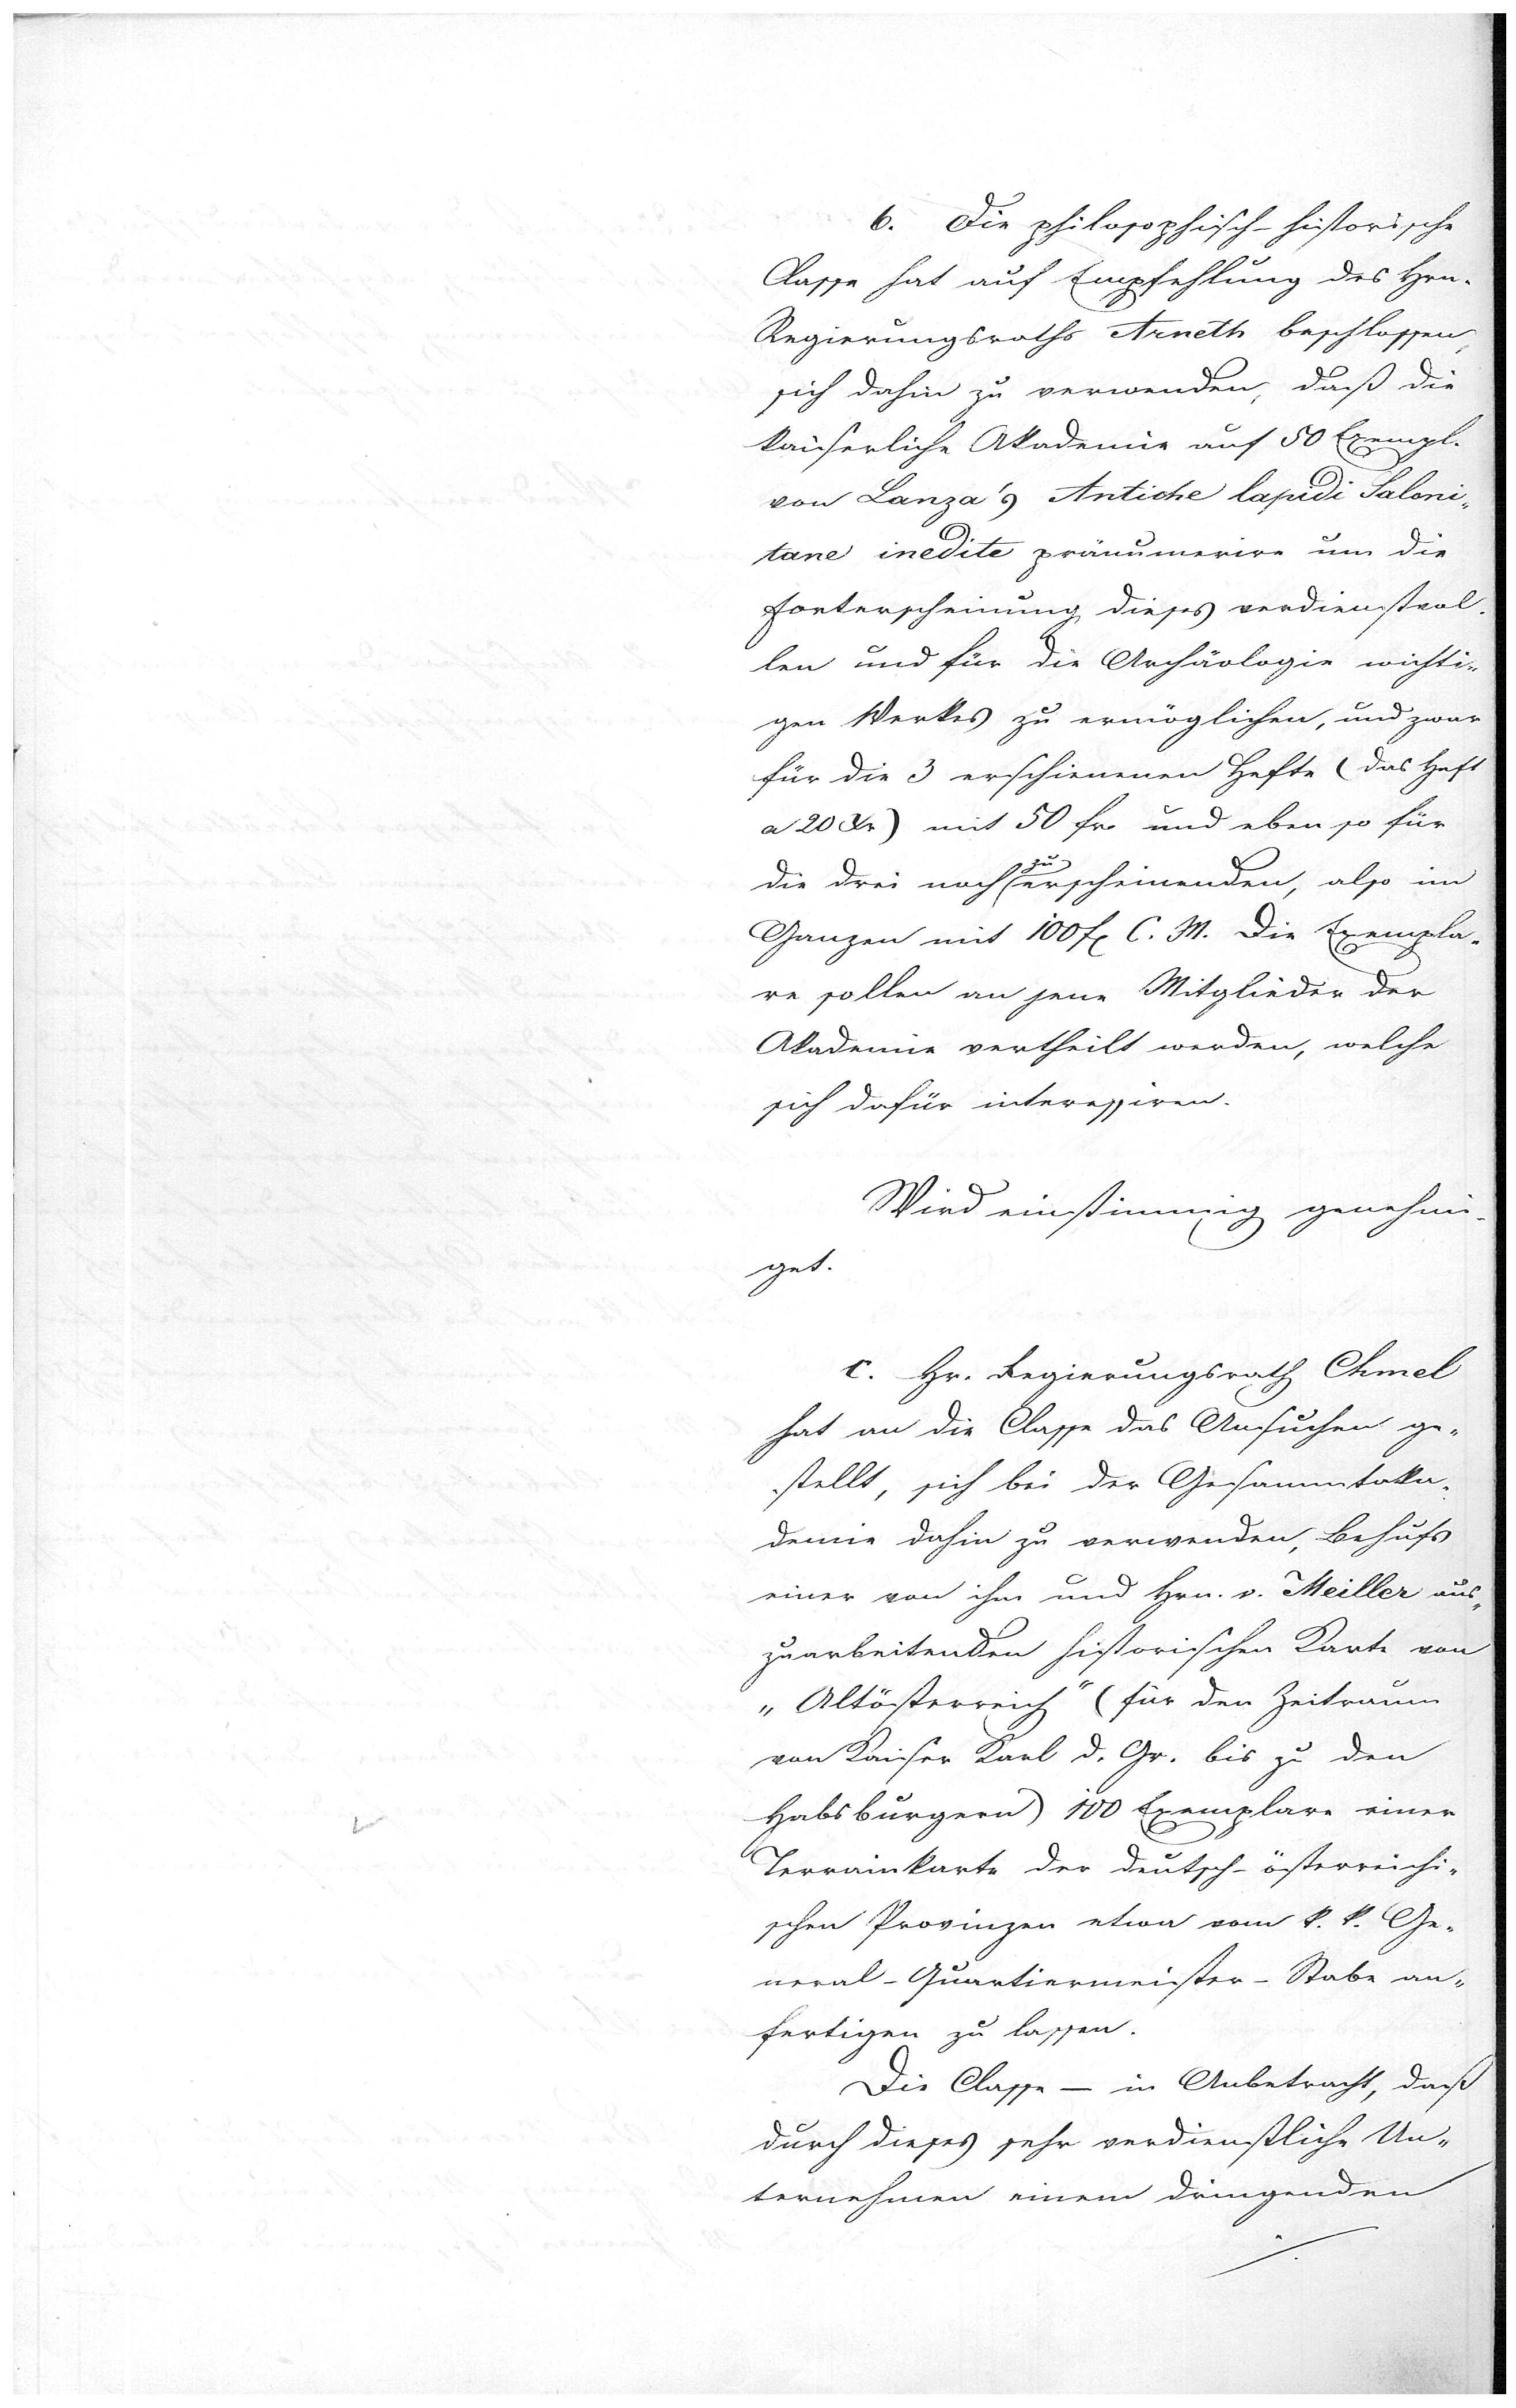b. Die philosophisch-historische
Classe hat auf Empfehlung des Hrn.
Regierungsraths Arneth beschlossen,
sich dahin zu verwenden, daß die
kaiserliche Akademie auf 50 Exempl.
von Lanza's Antiche lapidi Saloni-
tane inedite pränumerire um die
Forterscheinung dieses verdienstvol-
len und für die Archäologie wichti-
gen Werkes zu ermöglichen, und zwar
für die 3 erschienenen Hefte (das Heft
a 20 Kr) mit 50 fr und eben so für
zu
die drei noch erscheinenden, also im
Ganzen mit 100 fl. C. M. Die Exempla-
re sollen an jene Mitglieder der
Akademie vertheilt werden, welche
sich dafür interessiren.
Wird einstimmig genehmi-
get.
c. Hr. Regierungsrath Chmel
hat an die Classe das Ansuchen ge-
stellt, sich bei der Gesammtaka-
demie dahin zu verwenden, behufs
einer von ihm und Hrn. v. Meiller aus-
zuarbeitenden historischen Karte von
"Altösterreich" (für den Zeitraum
von Kaiser Karl d. Gr. bis zu den
Habsburgern) 100 Exemplare einer
Terrainkarte der deutsch-österreichi-
schen Prorinzen etwa vom k. k. Ge-
neral-Quartiermeister-Stabe an-
fertigen zu lassen.
Die Classe - in Anbetracht, daß
durch dieses sehr verdienstliche Un-
ternehmen einem dringenden